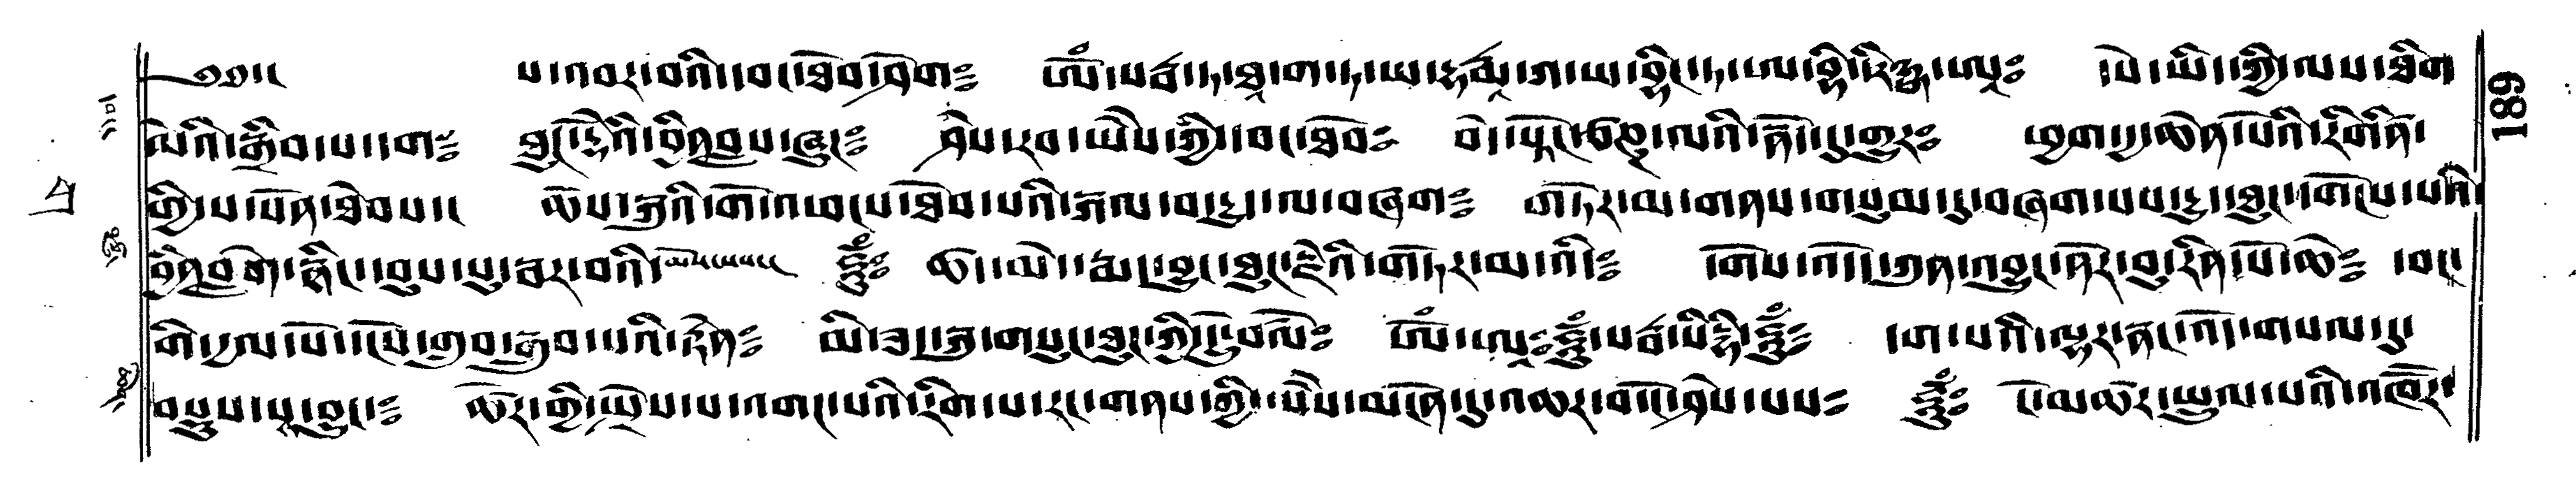པ་འབར་བའི་དབང་ཐོབ་ཤོག༔ ཨོཾ་སརྦ་ཏ་ཐཱ་ག་ཏ་ཡ་དྷརྨཱ་ཀ་ཡ་བྷིང་ཏ་ཨ་བྷི་རིནྩ་ཨཱ༔ དེས་ཡིད་ཀྱི་ལས་ཐིག་
ལེའི་སྒྲིབ་པ་དག༔ ཐུགས་རྡོ་རྗེའི་བྱིན་རླབས་ཞུགས༔ ཤེས་རབ་ཡེ་ཤེས་ཀྱི་དབང་ཐོབ༔ བདེ་སྟོང་ཙཎྜ་ལིའི་སྣོད་དུ་གྱུར༔ ཕྱག་རྒྱ་ཆེན་པོའི་རིག་འཛིན་
གྱི་ས་བོན་ཐེབས༔ ཆོས་སྐུའི་གོ་འཕང་ཐོབ་པའི་སྐལ་བ་རྒྱུད་ལ་བཞག༔ གཏོར་མ་གནས་གསུམ་དུ་བཞག་པས་ཐུགས་རྒྱུད་དགོངས་པའི་
བྱིན་རླབས་སྙིང་དབུས་སུ་སྦར་བར་མོས་པས ། ཧཱུྃ༔ ཚད་མེད་རྨད་བྱུང་ཐུགས་རྗེའི་གཏོར་མ་འདི༔ དགོས་འདོད་ཀུན་འབྱུང་ནོར་བུ་རིན་པོ་ཆེ༔ དབང་
གི་རྒྱལ་པོ་དངོས་གྲུབ་སྒྲུབ་པའི་རྟེན༔ མི་ཟད་སྐུ་གསུང་ཐུགས་ཀྱི་དངོས་གྲུབ་སྩོལ༔ཨོཾ་ཨཱཿཧཱུྃ་སརྦ་སིདྡྷི་ཧཱུྃ༔ དག་པའི་ལྷར་སྣང་འོད་གསལ་དུ་
བསྡུས་པས་བྱུང༔ ཚོར་བའི་སྤྲོས་པ་འགགས་པའི་རིག་པ་རང་གནས་ཀྱི་སེམས་མངོན་དུ་འཆར་བ་ངོ་ཤེས་པས༔ ཧཱུྃ༔ ངོ་མཚར་སྤྲུལ་པའི་འཁོར་ལོ་